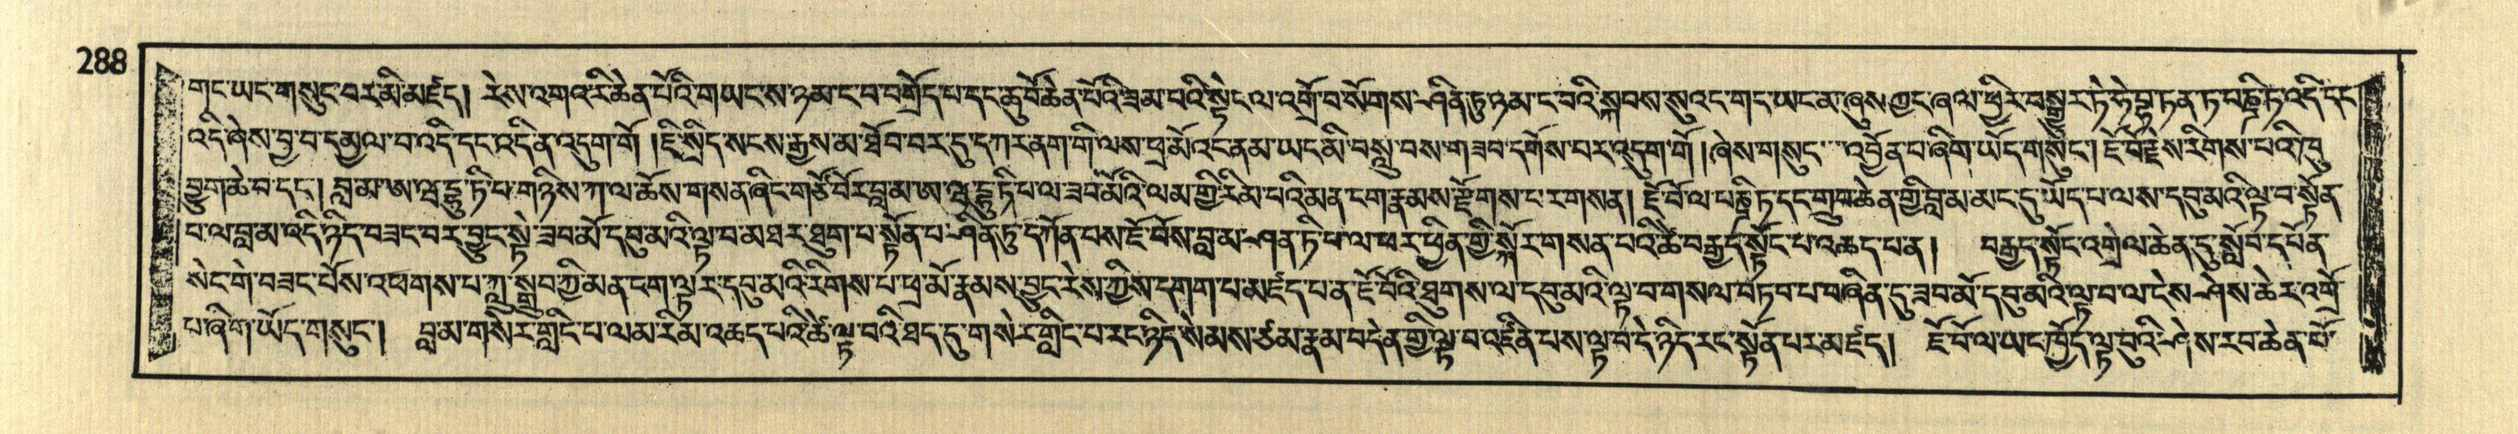གང་ཡང་གསུང་བར་མི་མཛད། རེས་འགའ་རི་ཆེན་པོའི་གཡང་ས་ཉམ་ང་བ་བགྲོད་པ་དང་ཆུ་བོ་ཆེན་པོའི་ཟམ་པའི་སྟེང་ལ་འགྲོ་བ་སོགས་ཤིན་ཏུ་ཉམ་ང་བའི་སྐབས་སུའང་གང་ཡང་མ་ཞུས་ཀྱང་ཞལ་ཕྱིར་བསྒྱུར་ཏེ་ཧེ་བྷ་ཏན་ཏ་པཎྜི་ཏ་འདི་དང་
འདི་ཞེས་བྱ་བ་དམྱལ་བ་འདི་དང་འདི་ན་འདུག་གོ །ཇི་སྲིད་སངས་རྒྱས་མ་ཐོབ་བར་དུ་དཀར་ནག་གི་ལས་ཕྲ་མོའང་ནམ་ཡང་མི་བསླུ་བས་གཟབ་དགོས་པར་འདུག་གོ །ཞེས་གསུང་འབྱོན་པ་ཞིག་ཡོད་གསུང་། ཇོ་བོ་རྗེས་རིགས་པའི་ཁུ་
བྱུག་ཆེ་བ་དང་། བླ་མ་ཨ་ཝ་དྷུ་ཏི་པ་གཉིས་ཀ་ལ་ཆོས་གསན་ཞིང་གཙོ་བོར་བླ་མ་ཨ་ཝ་དྷུ་ཏི་པ་ལ་ཟབ་མོའི་ལམ་གྱི་རིམ་པའི་མན་ངག་རྣམས་རྫོགས་པར་གསན། ཇོ་བོ་ལ་པཎྜི་ཏ་དང་གྲུབ་ཆེན་གྱི་བླ་མ་མང་དུ་ཡོད་པ་ལས་དབུ་མའི་ལྟ་བ་སྟོན་
པ་ལ་བླ་མ་འདི་ཉིད་བཟང་བར་བྱུང་སྟེ་ཟབ་མོ་དབུ་མའི་ལྟ་བ་མཐར་ཐུག་པ་སྟོན་པ་ཤིན་ཏུ་དཀོན་པས་ཇོ་བོས་བླ་མ་ཤན་ཏི་པ་ལ་ཕར་ཕྱིན་གྱི་སྐོར་གསན་པའི་ཚེ་བརྒྱད་སྟོང་པ་འཆད་པ་ན། བརྒྱད་སྟོང་འགྲེལ་ཆེན་དུ་སློབ་དཔོན་
སེང་གེ་བཟང་པོས་འཕགས་པ་ཀླུ་སྒྲུབ་ཀྱི་མན་ངག་ལྟར་དབུ་མའི་རིགས་པ་ཕྲ་མོ་རྣམས་བྱུང་རེས་ཀྱིས་དགག་པ་མཛད་པ་ན་ཇོ་བོའི་ཐུགས་ལ་དབུ་མའི་ལྟ་བ་གསལ་བཏབ་པ་བཞིན་དུ་ཟབ་མོ་དབུ་མའི་ལྟ་བ་ལ་ངེས་ཤེས་ཆེར་འགྲོ་
པ་ཞིག་ཡོད་གསུང་། བླ་མ་གསེར་གླིང་པ་ལམ་རིམ་འཆད་པའི་ཚེ་ལྟ་བའི་ཐད་དུ་གསེར་གླིང་པ་རང་ཉིད་སེམས་ཙམ་རྣམ་བདེན་གྱི་ལྟ་བ་འཛིན་པས་ལྟ་བ་དེ་ཉིད་རང་སྟོན་པར་མཛད། ཇོ་བོ་ལ་ཡང་ཁྱོད་ལྟ་བུའི་ཤེས་རབ་ཆེན་པོ་